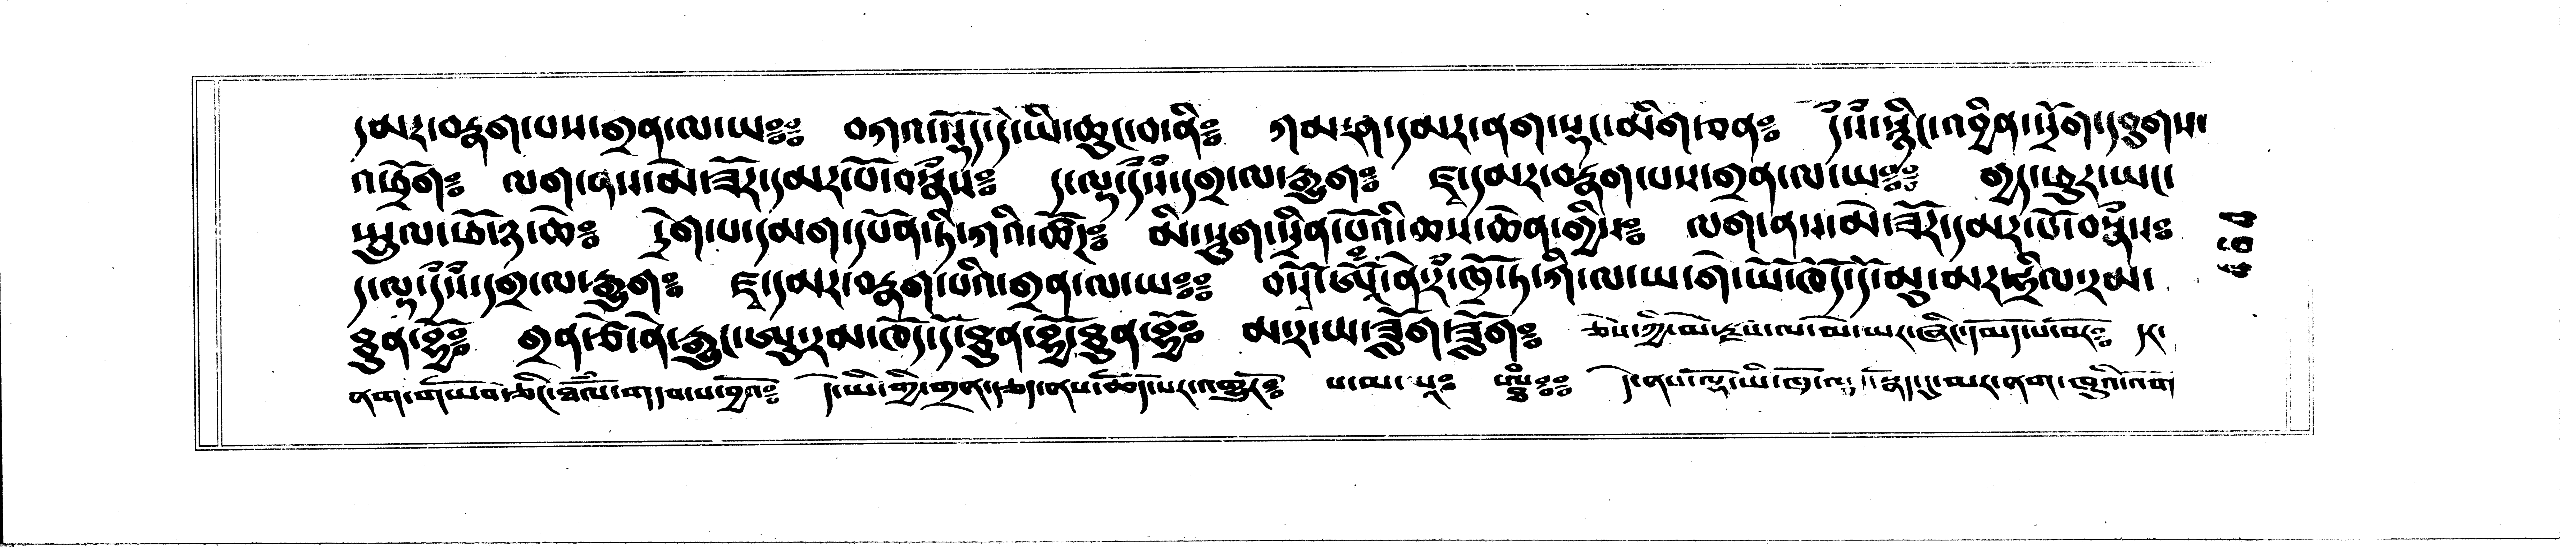དམར་བརྣག་པའི་གྲན་ལ་ཡ༔༔བཀའ་སྡོད་དེ་ཡི་ཆུང་བ་ནི༔ཀམ་ཤ་དམར་ནག་སྡང་མིག་ཅན༔དམ་ཉམས་སྙིང་འབྱིན་སྲོག་དབུགས་
འཕྲོག༔ལག་ནས་མེ་ཟོར་དམར་པོ་བསྣམས༔ད་ལྟར་དམ་ཉམས་དགྲ་ལ་རྒྱུག༔ཛྭ་དམར་བརྣག་པའི་གྲན་ལ་ཡ༔༔གྱད་ཕུར་ཡང་
སྤྲུལ་ཕོ་ཉ་ཆེ༔དྲེགས་པ་དམག་དཔོན་ཏི་ཀའི་ཚོགས༔མི་སྡུག་སྲིན་པོའི་ཆས་ཆེན་གྱིས༔ལག་ནས་མེ་ཟོར་དམར་པོ་བསྣམས༔
ད་ལྟར་དམ་ཉམས་དགྲ་ལ་རྒྱུག༔ཛྭ་དམར་བརྣག་པའི་གྲན་ལ་ཡ༔༔བསྭོ་ཨཱོཾ་ནེ་རཾ་ཁྲོ་ཏ་ཀི་ལ་ཡ་གེ་ཡོ་ཁོད་དོ་མུ་མར་ཧྲིལ་རམ་
ཐུན་བྷྱོ༔གྲན་ཙེ་ནེ་རྒྱུང་ཨུ་རམ་ཁོད་དོ་ཐུན་བྷྱོ་ཐུན་བྷྱོ༔མ་ར་ཡ་ཟློག་ཟློག༔ཅེས་ཀྱི་མེ་རྫས་ལ་མེ་སྤར་ཞིང་དམོད་པ་བོར༔དར་
ནག་གཡབ་ཅིང་ཐལ་མོ་གདབ་པ་བྱའོ༔དེ་ཡི་གྱི་གྲན་རྩད་ནས་ཆོད་པར་འགྱུར་རོ༔ས་མ་ཡཱ༔ཨྠཾ༔དེ་ནས་ལྷོ་ཡི་ཁྲོ་ལྕགས་སྣོད་དུ་མར་ནག་ཁུའི་འོག་